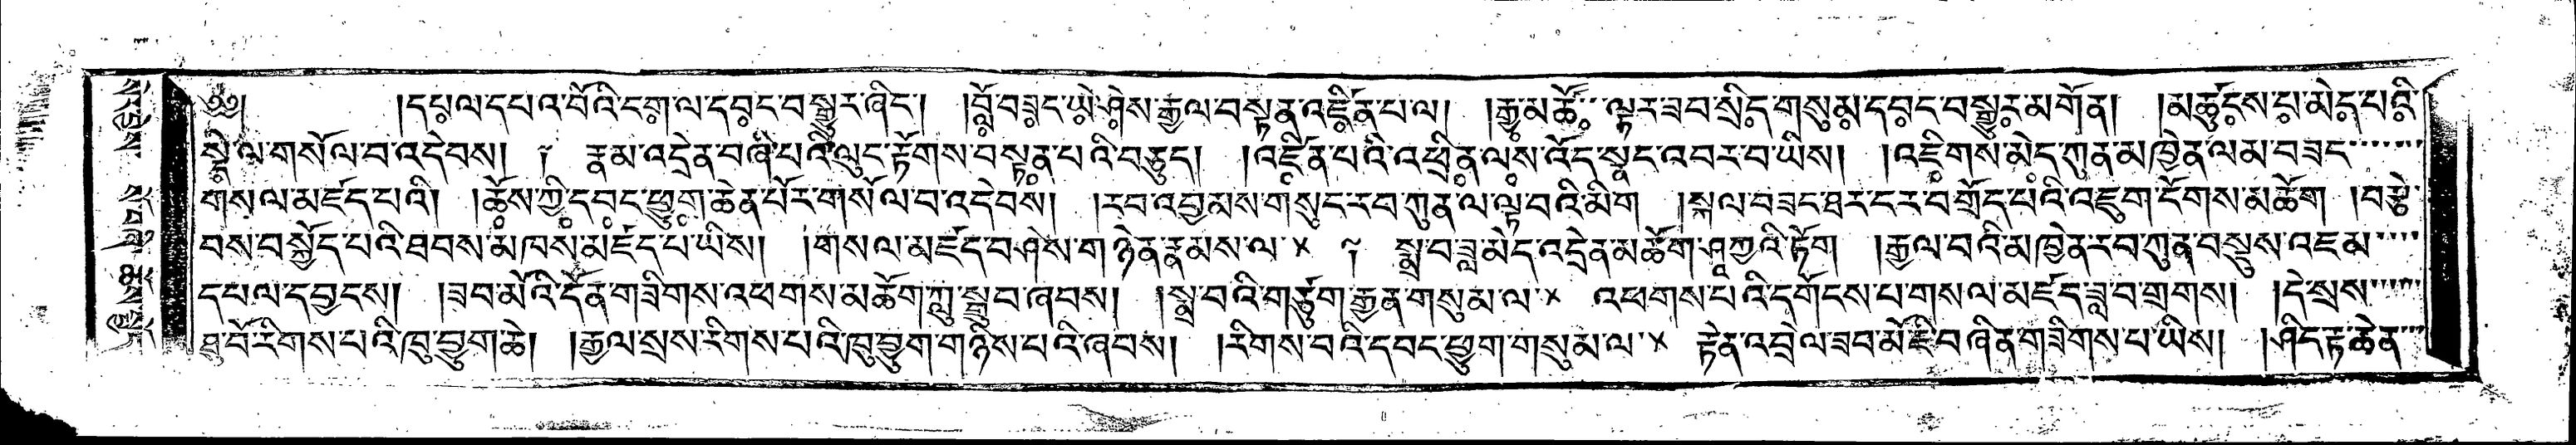༄༅། །དཔལ་དཔའ་བོའི་ངག་ལ་དབང་བསྒྱུར་ཞིང་། །བློ་བཟང་ཡེ་ཤེས་རྒྱལ་བསྟན་འཛིན་པ་ལ། །རྒྱ་མཚོ་ལྟར་ཟབ་སྲིད་གསུམ་དབང་བསྒྱུར་མགོན། །མཚུངས་པ་མེད་པའི་
སྡེ་ལ་གསོལ་བ་འདེབས། ༈ རྣམ་འདྲེན་བཞི་པའི་ལུང་རྟོགས་བསྟན་པའི་བཅུད། །འཛིན་པའི་འཕྲིན་ལས་འོད་སྣང་འབར་བ་ཡིས། །འཇིགས་མེད་ཀུན་མཁྱེན་ལམ་བཟང་
གསལ་མཛད་པའི། །ཆོས་ཀྱི་དབང་ཕྱུག་ཆེན་པོར་གསོལ་བ་འདེབས། །རབ་འབྱམས་གསུང་རབ་ཀུན་ལ་ལྟ་བའི་མིག །སྐལ་བཟང་ཐར་ངར་བགྲོད་པའི་འཇུག་དོགས་མཆོག །བརྩེ་
བས་བསྐྱོད་པའི་ཐབས་མཁས་མཛད་པ་ཡིས། །གསལ་མཛད་བཤེས་གཉེན་རྣམས་ལ་{྾}་༈ སྨྲ་བ་ཟླ་མེད་འདྲེན་མཆོག་ཤཱཀྱའི་ཏོག །རྒྱལ་བའི་མཁྱེན་རབ་ཀུན་བསྡུས་འཇམ་
དཔལ་དབྱངས། །ཟབ་མོའི་དོན་གཟིགས་འཕགས་མཆོག་ཀླུ་སྒྲུབ་ཞབས། །སྨྲ་བའི་གཙུག་རྒྱན་གསུམ་ལ་{྾}་འཕགས་པའི་དགོངས་པ་གསལ་མཛད་ཟླ་བ་གྲགས། །དེ་སྲས་
ཐུ་བོ་རིགས་པའི་ཁུ་བྱུག་ཆེ། །རྒྱལ་སྲས་རིགས་པའི་ཁུ་བྱུག་གཉིས་པའི་ཞབས། །རིགས་པའི་དབང་ཕྱུག་གསུམ་ལ་{྾}་རྟེན་འབྲེལ་ཟབ་མོ་ཇི་བཞིན་གཟིགས་པ་ཡིས། །ཤིང་རྟ་ཆེན་